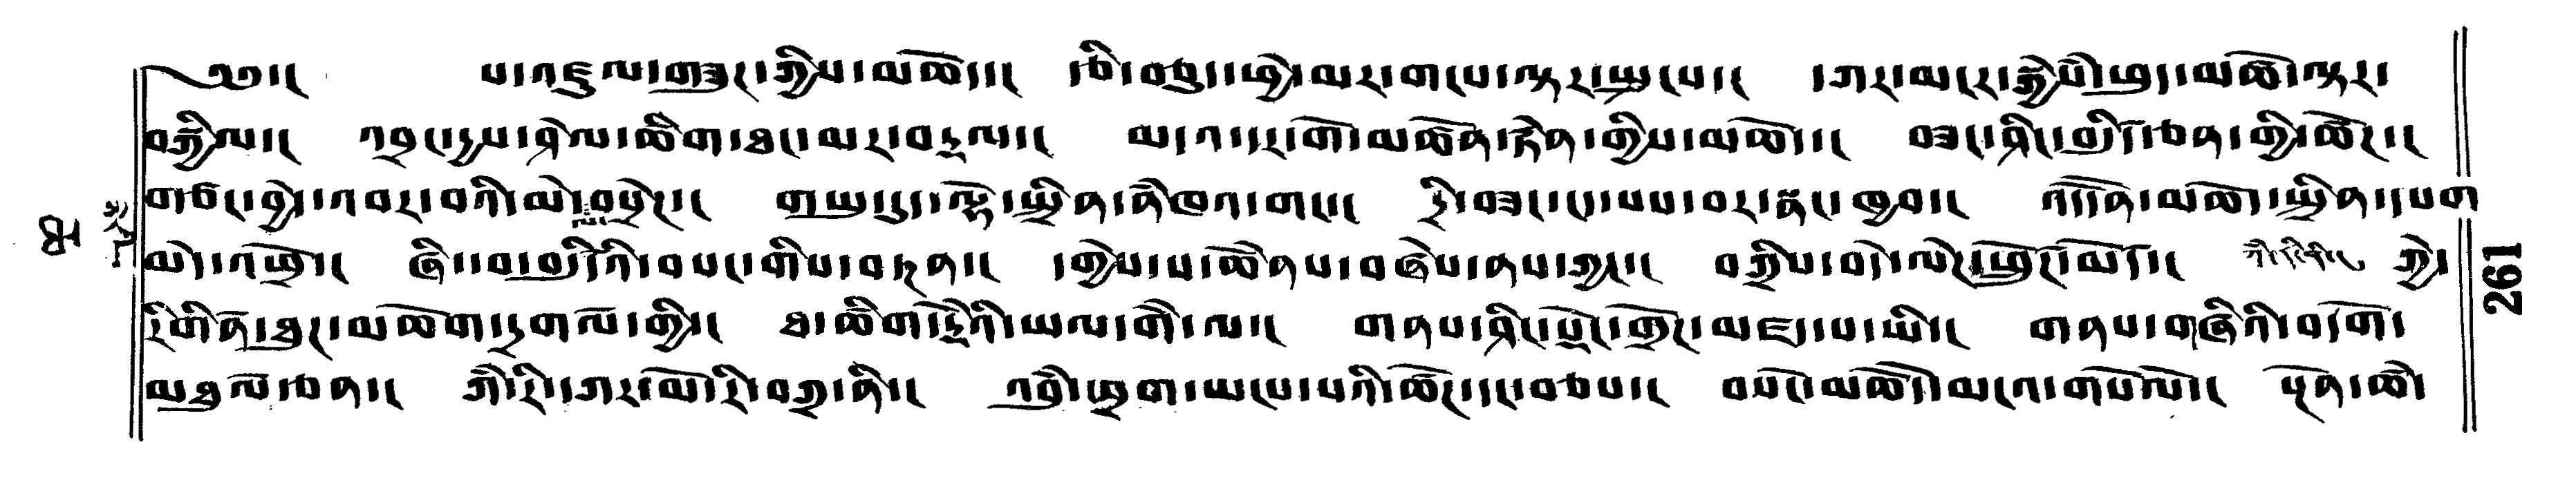ས་འཛུལ་གཟུགས་ཀྱིས་མཆོད། །རྩི་བཅུད་ཕྱེ་མར་གངས་ལྟར་སྤུངས། །དཀར་མངར་སྐྱེམས་ཕུད་མཚོ་ལྟར་
བསྐྱིལ། །འབྲང་རྒྱས་ཤེལ་ཚིག་ཐང་མར་བརྡལ། །མདའ་དར་གོ་མཚོན་རྟེན་གྱིས་མཆོད། །བཟང་ཤིང་བདུད་རྩི་ཅན་གྱི་ཚོགས། །
གཙང་བྱེད་འབར་བའི་མེ་ལ་བསྲེགས། །གཡུ་དུད་ལྷོ་སྤྲིན་ནམ་མཁའ་གང་། །དྲི་བཟང་ངད་པས་བར་སྣང་ཁྱབ། །འདོད་ཡོན་མཆོད་སྤྲིན་དཔག་
མེད་འཕྲོ། །ཞི་བ་བདུད་རྩིའི་བསང་གིས་བརྔན། །དགྱེས་པ་ཆེན་པོས་བཞེས་ནས་ཀྱང་། །བཀྲ་ཤིས་བདེ་ལེགས་ཕུན་ཚོགས་མཛོད། ཀམ་རི་ནི། ཀྱཻ། 
རིག་འཛིན་ཐུགས་མཆོག་དྲག་རྩལ་གྱི། །ཐ་ཚིག་རྡོ་རྗེའི་ཡལ་གམ་ལ། །གནས་ཤིང་སྡོང་གྲོགས་མཛད་པ་ཡི། །གནས་གཞིའི་བདག་པོ་
མཐུ་རྩལ་ཅན། །ཀམ་རི་དཀར་མོ་རི་བཀྲ་ནི། །འབུམ་ཕྲག་ཡངས་པའི་ཚོགས་དང་བཅས། །བསང་ངོ་མཆོད་དོ་མངའ་གསོལ་ལོ། །སྔོན་ཚེ་